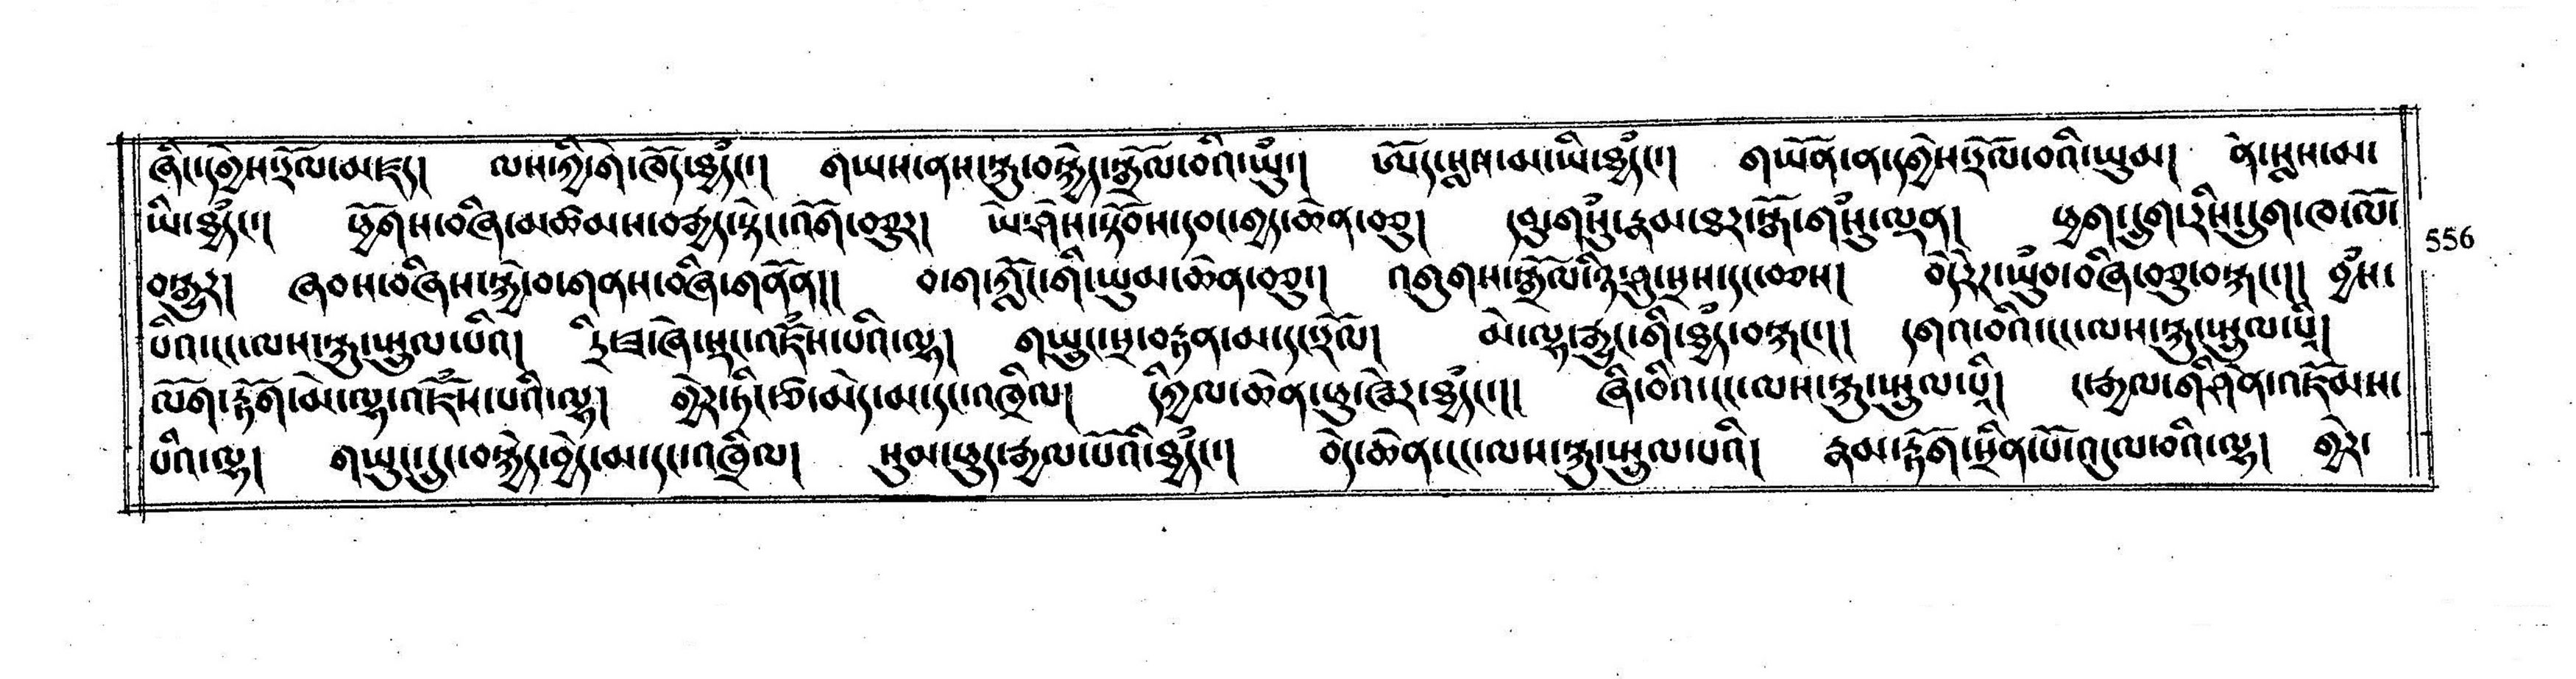ཞིང་དགྱེས་རོལ་མཛད། ལས་ཀྱི་གེ་ཁོད་ཐུགས་དམ་བསྐང་། གཡས་ནས་སྐུ་བསྐྱེད་སྒྲོལ་བའི་ཡུམ། ཨོད་སླས་མ་ཡི་ཐུགས་དམ་བསྐང་། གཡོན་ན་དགྱེས་༼ཤིང་༽རོལ་བའི་ཡུམ། ནེ་སླས་མ་
ཡི་ཐུགས་དམ་བསྐང་། ཕྱོགས་བཞི་མཚམས་བརྒྱད་སྟེང་འོག་བཅུར། ཡེ་ཤེས་སྟོབས་དབང་གྱད་ཆེན་བཅུ། དབུ་གསུམ་རྣམ་ཐར་སྒོ་གསུམ་ལྡན། ཕྱག་དྲུག་རིས་དྲུག་ཁ་ལོ་
བསྒྱུར། ཞབས་བཞིས་སྐྱེ་བ་གནས་བཞི་གནོན།། བ་ག་ཀློང་གི་ཡུམ་ཆེན་བཅུ། འགུགས་སྒྲོལ་ཉི་ཤུ་སྲས་དང་བཅས། བདེར་གཤེགས་ཡབ་ཡུམ་བཞི་བཅུ་བསྐང་།། བྱམས་
པའི་ངང་ལས་སྐུ་སྤྲུལ་པའི། དྲི་ཟ་ཞེ་སྡང་འཇོམས་པའི་ལྷ། གཡུང་དྲུང་སྲ་བརྟན་མ་དང་རོལ། མེ་ལྷ་རྒྱུང་གི་ཐུགས་དམ་བསྐང་།། དགའ་བའི་ངང་ལས་སྐུ་སྤྲུལ་པའི། 
ལོག་རྟོག་མེ་ལྷ་འཇོམས་པའི་ལྷ། གྱེར་ཏིང་ཙ་མེད་མ་དང་འཁྲིལ། དཀྱིལ་ཆེན་ཕུ་ཝེར་ཐུགས་དམ་བསྐང་།། ཞི་བའི་ངང་ལས་སྐུ་སྤྲུལ་པའི། ང་རྒྱལ་གཤིན་རྗེ་འཇོམས་
པའི་ལྷ། གཡུང་དྲུང་བསྐྱེད་བྱེད་མ་དང་འཁྲིལ། སུམ་ཕུད་རྒྱལ་པོའི་ཐུགས་དམ་བསྐང་། བདེ་ཆེན་ངང་ལས་སྐུ་སྤྲུལ་པའི། རྣམ་རྟོག་སྲིན་པོ་འདུལ་བའི་ལྷ། གྱེར་